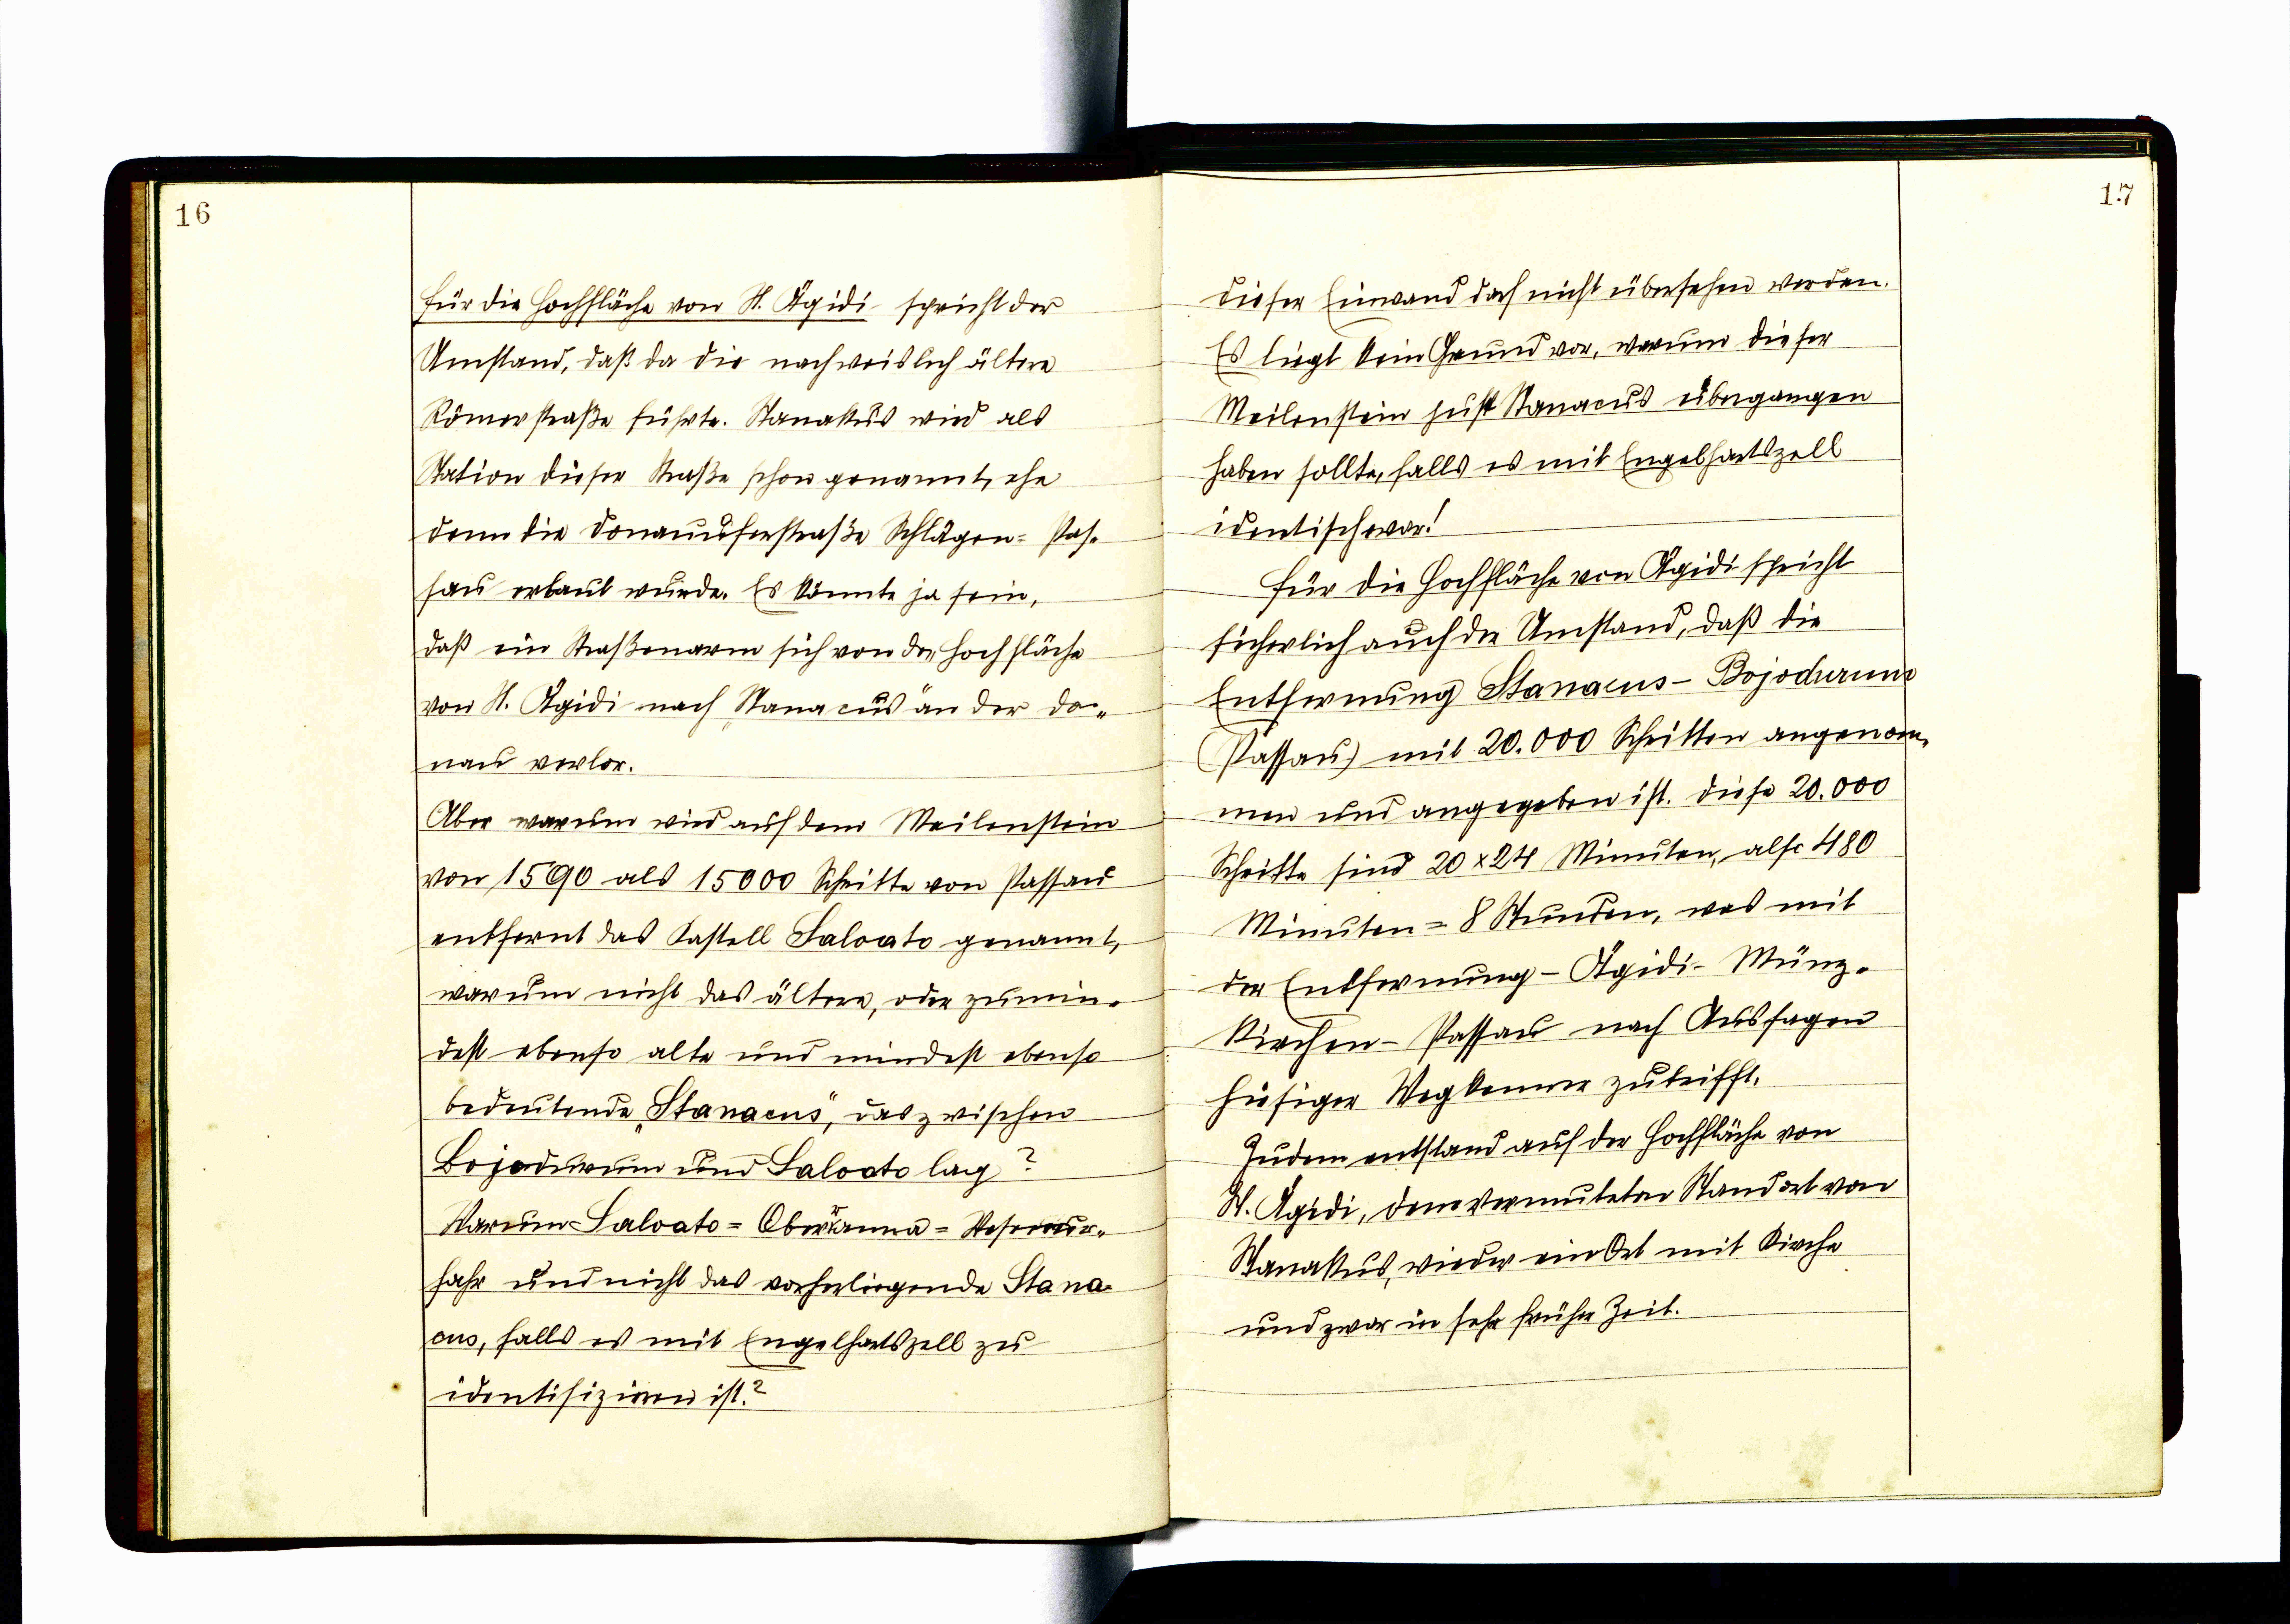Für die Hochfläche von St. Ägidi spricht der
Umstand, daß da die nachweislich ältere
Römerstraße führte. Stanakus wird als
Station dieser Straße schon genannt, ehe
dann die Donauuferstraße Schlägen-Pas-
sau erbaut wurde. Es könnte ja sein,
daß ein Straßenarm sich von der Hochfläche
von St. Ägidi nach Stanacus an der Do-
nau verlor.
Aber warum wird auf dem Meilenstein
von 1590 als 15000 Schritte von Passau
entfernt das Kastell Saloato genannt,
warum nicht das ältere, oder zumin-
dest ebenso alte und mindest ebenso
bedeutende „Stanacus“, das zwischen
Bojodurum und Saloato lag?
Warum Saloato = Oberrranna = Wesenur-
fahr und nicht das vorherliegende Stana-
cus, falls es mit Engelhartszell zu
identifizieren ist?
Dieser Einwand darf nicht übersehen werden.
Es liegt kein Grund vor, warum dieser
Meilenstein hust Stanacus übergangen
haben sollte, falls es mit Engelhartszell
identisch war!
Für die Hochfläche von Ägidi spricht
sicherlich auch der Umstand, daß die
Entfernung Stanacus – Bojodurum
(Passau) mit 20.000 Schritten angenom-
men und angegeben ist. Diese 20.000
Schritte sind 20 x 24 Minuten also 480
Minuten = 8 Stunden, was mit der
Entfernung – Ägidi – Münz-
kirchen – Passau nah Aussagen
hiesiger Wegkenner zutrifft.
Zudem entstand auf der Hochfläche von
St. Ägidi, dem vermuteten Standort von
Stanakus, wieder ein Ort mit Kirche
und zwar in sehr früher Zeit.